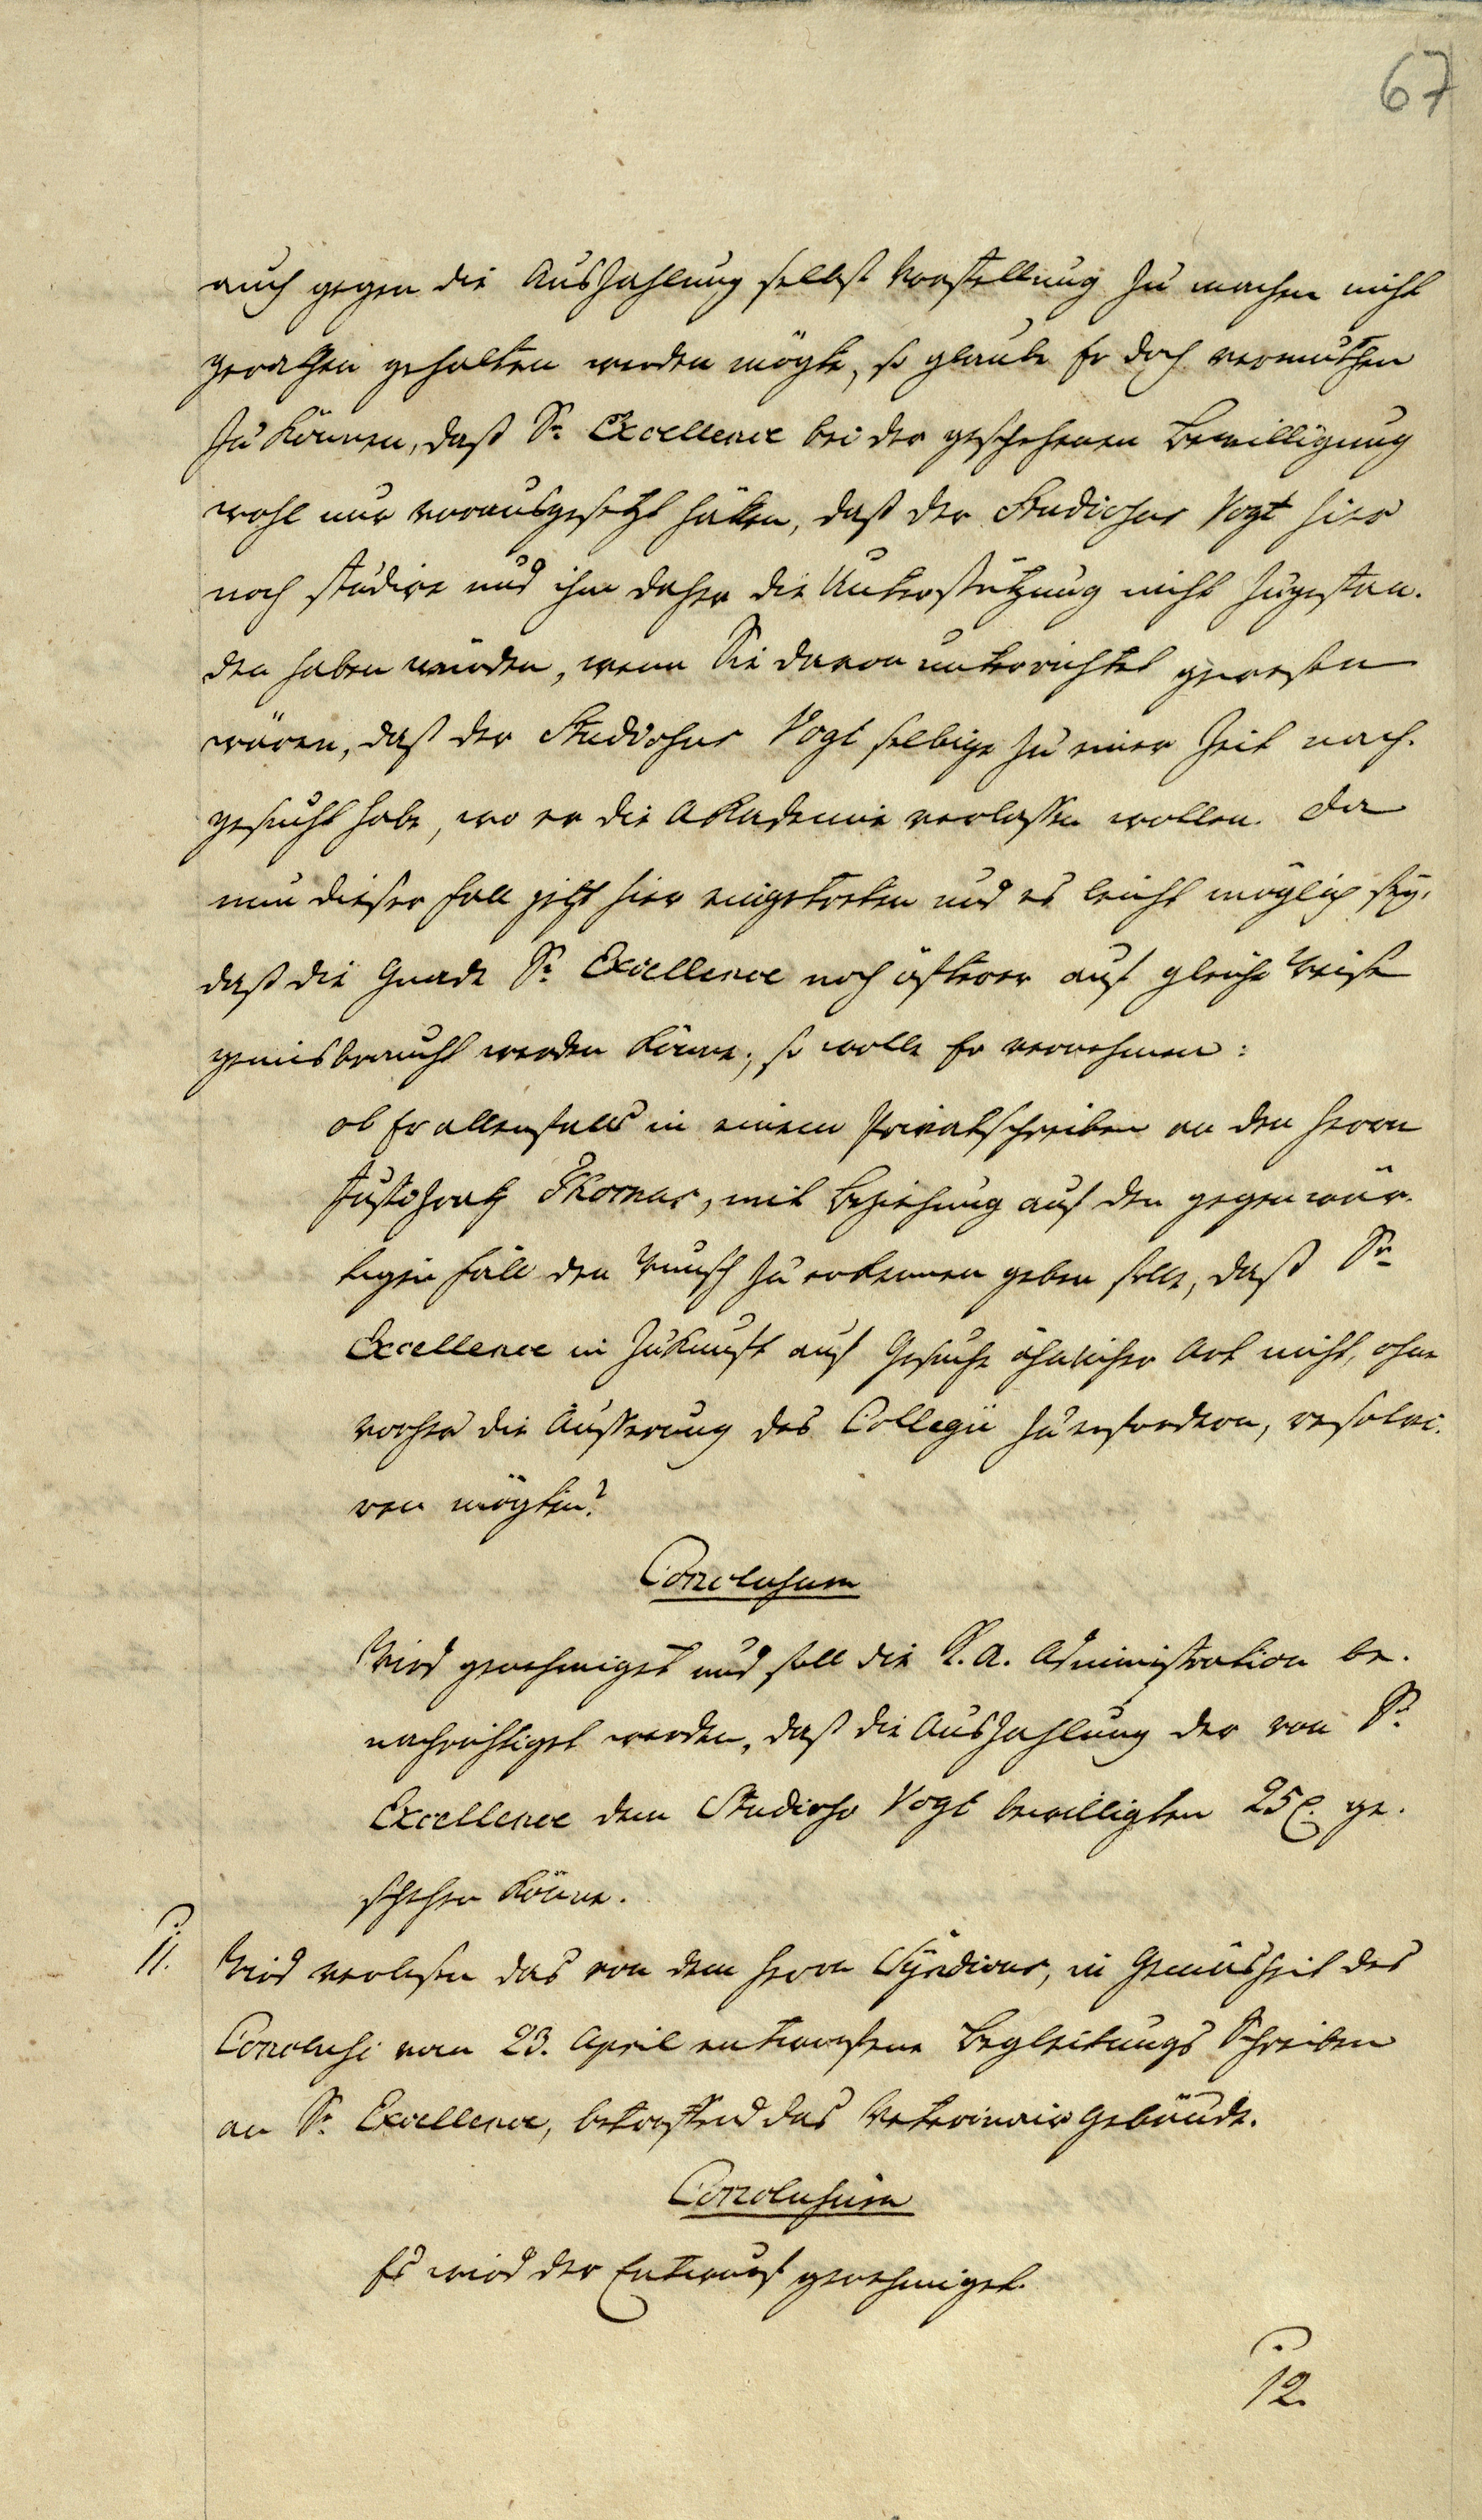auch gegen die Auszahlung selbst Vorstellung zu machen nicht
gerathen gehalten werden mögte, so glaube Er doch vermuthen
zu können, daß Sr Excellence bei der geschehenen Bewilligung
wohl nur vorausgesetzt hätten, daß der Studiosus Vogt hier
noch studire und ihm daher die Unterstützung nicht zugestan¬
den haben würden, wenn Sie davon unterrichtet gewesen
wären, daß der Studiosus Vogt selbige zu einer Zeit nach¬
gesucht habe, wo er die Akademie verlassen wollen. Da
nun dieser Fall jetzt hier eingetreten und es leicht möglich seÿ,
daß die Gnade Sr Excellence noch öfterer auf gleiche Weise
gemisbraucht werden könne; so wolle Er vernehmen:
ob Er allenfalls in einem Privatschreiben an den Herrn
Justizrath Thomas, mit Beziehung auf den gegenwär¬
tigen Fall den Wunsch zu erkennen geben solle, daß Sr.
Excellence in Zukunft auf Gesuche ähnlicher Art nicht, ohne
vorher die Äusserung des Collegii zu erfordern, resolvi¬
ren mögten?
Conclusum
Wird genehmiget und soll die K. A. Administration be¬
nachrichtiget werden, daß die Auszahlung der von S.
Excellence dem Studioso Vogt bewilligten 25 l ge¬
schehen könne.
11. Wird verlesen das von dem Herrn Sÿndicus, in Gemäsheit des
Conclusi vom 23. April entworfene Begleitungs Schreiben
an Sr Excellence, betreffend das Veterinairgebäude.
Conclusum
Es wird der Entwurf genehmiget
12.